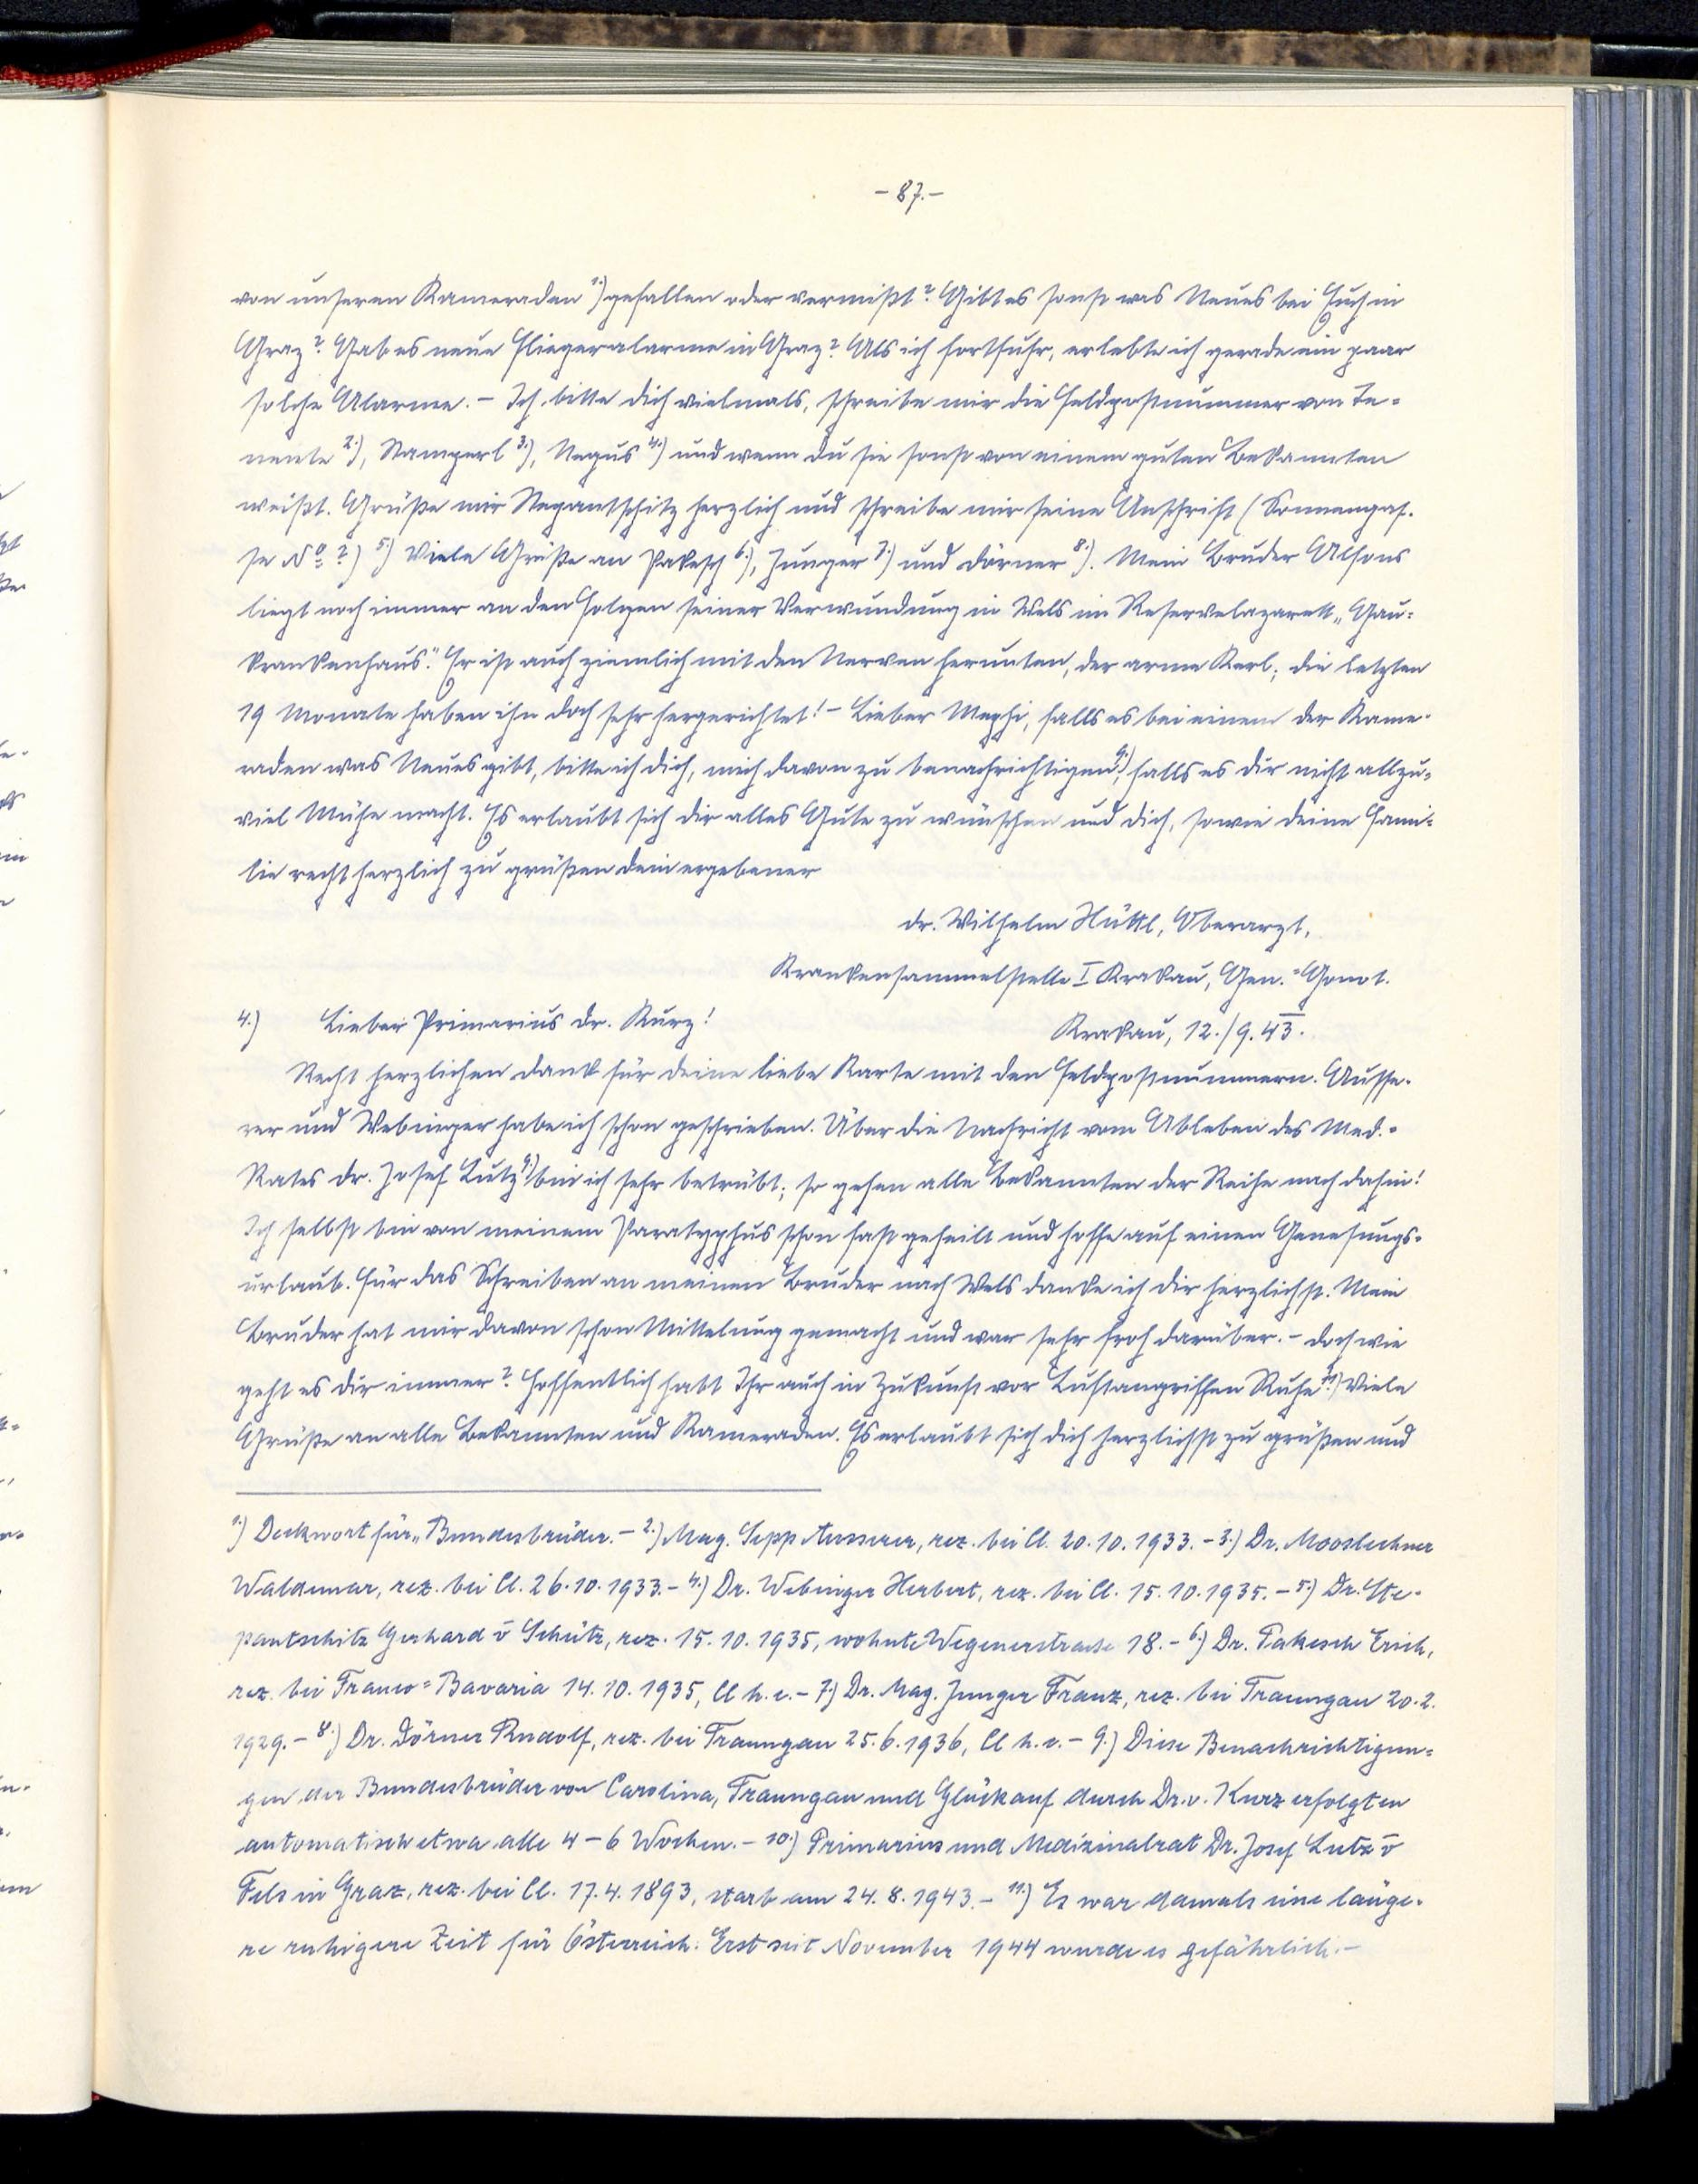87
von unseren Kameraden 1) gefallen oder vermißt? Gibt es sonst was Neues bei Euch in
Graz? Gab es neue Fliegeralarme in Graz? Als ich fortfuhr, erlebte ich gerade ein paar
solche Alarme.- Ich bitte dich vielmals, schreibe mir die Feldpostnummer von Te-
nente 2), Stamperl 4), Negus 14 und wenn du sie sonst von einem guten Bekannten
weißt. Grüße mir Stegantschitz herzlich und schreibe mir seine Anschrift (Sonnengas-
se No ?) 1) viele Größe an Pakesch 6), Junger 7) und Dorner ). Mein Bruder Alfons
liegt noch immer an den Folgen seiner Verwundung in Wels im Reservelazarett ,„Gau-
krankenhaus. Er ist auch ziemlich mit den Nerven herunten, der arme Kerl, die letzten
19 Monate haben ihn doch sehr hergerichtet! - Lieber Mephi, falls es bei einem der Kame-
raden was Neues gibt, bitte ich dich mich davon zu benachrichtigen 9), falls es dir nicht allzu-
viel Mühe macht. Es erlaubt sich dir alles Gute zu wünschen und dich, sowie deine Fami-
lie recht herzlich zu grüßen dein ergebener
Dr. Wilhelm Hüttl, Oberarzt,
Krankensammelstelle Krakau, Gen. Gonot.
4)
Lieber Primarius Dr. Kurz!
Krakau, 12. /9.43.
Recht herzlichen Dank für deine liebe Karte mit den Feldpostnummern. Ausse-
rer und Webinger habe ich schon geschrieben. Über die Nachricht vom Ableben des Med.-
Rats Dr. Josef Lutz 9) ich sehr betrübt; so gehen alle Bekannten der Reihe nach dahin!
Ich selbst bin von meinem Paratyphus schon fast geheilt und hoffe auf einen Genesungs-
urlaub. Für das Schreiben an meinen Bruder nach Wels danke ich dir herzlichst. Mein
Bruder hat mir davon schon Mitteilung gemacht und war sehr froh darüber.- Doch wie
geht es dir immer? Hoffenlich habt Ihr auch in Zukunft vor Luftangriffen Ruhe. 11) Viele
Grüße an alle Bekannten und Kameraden. Es erlaubt sich dich herzlichst zu grüßen und
1) Deckwort für „ Bundsbrüder".- 2) Mag. Sepp Ausserer, rez. bei Cl 20.10.1933.- 2) Dr. Mooslechner
Waldemar, rez. bei Cl.26.10.1933.- 4) Dr. Webinger Herbert, rez. bei Cl.15.10.1935.- 5) Dr Ste-
pantschitz Gerhard v/o Schütz, rez. 15.10.1935, wohnte Wegenerstraße 28.- 6) Dr. Pakesch Erich,
rez. bei Franco-Bavaria 14.10.1935, Cl. h.c. 7) Dr. Mag. Junger Franz, rez. bei Traungau 20.2.
1929.- 8) Dr. Dörner Rudolf, rez. bei Traungau 25.6.1936, Cl h.c.- 9) Diese Benachrichtigun-
gen der Bundesbrüder von Carolina, Traungau und Glückauf durch Dr. v. Kurz erfolgten
automatisch etwa alle 4-6 Wochen.- 10) Primarius und Medizinalrat Dr. Josef Lutz v/o
Fels in Graz, rez. bei Cl.17.4. 1893, starb am 24. 8. 1943.- 11) Es war damals eine länge-
re ruhigen Zeit für Österreich. Erst seit Nomber 1944 wurde es gefährlich.-